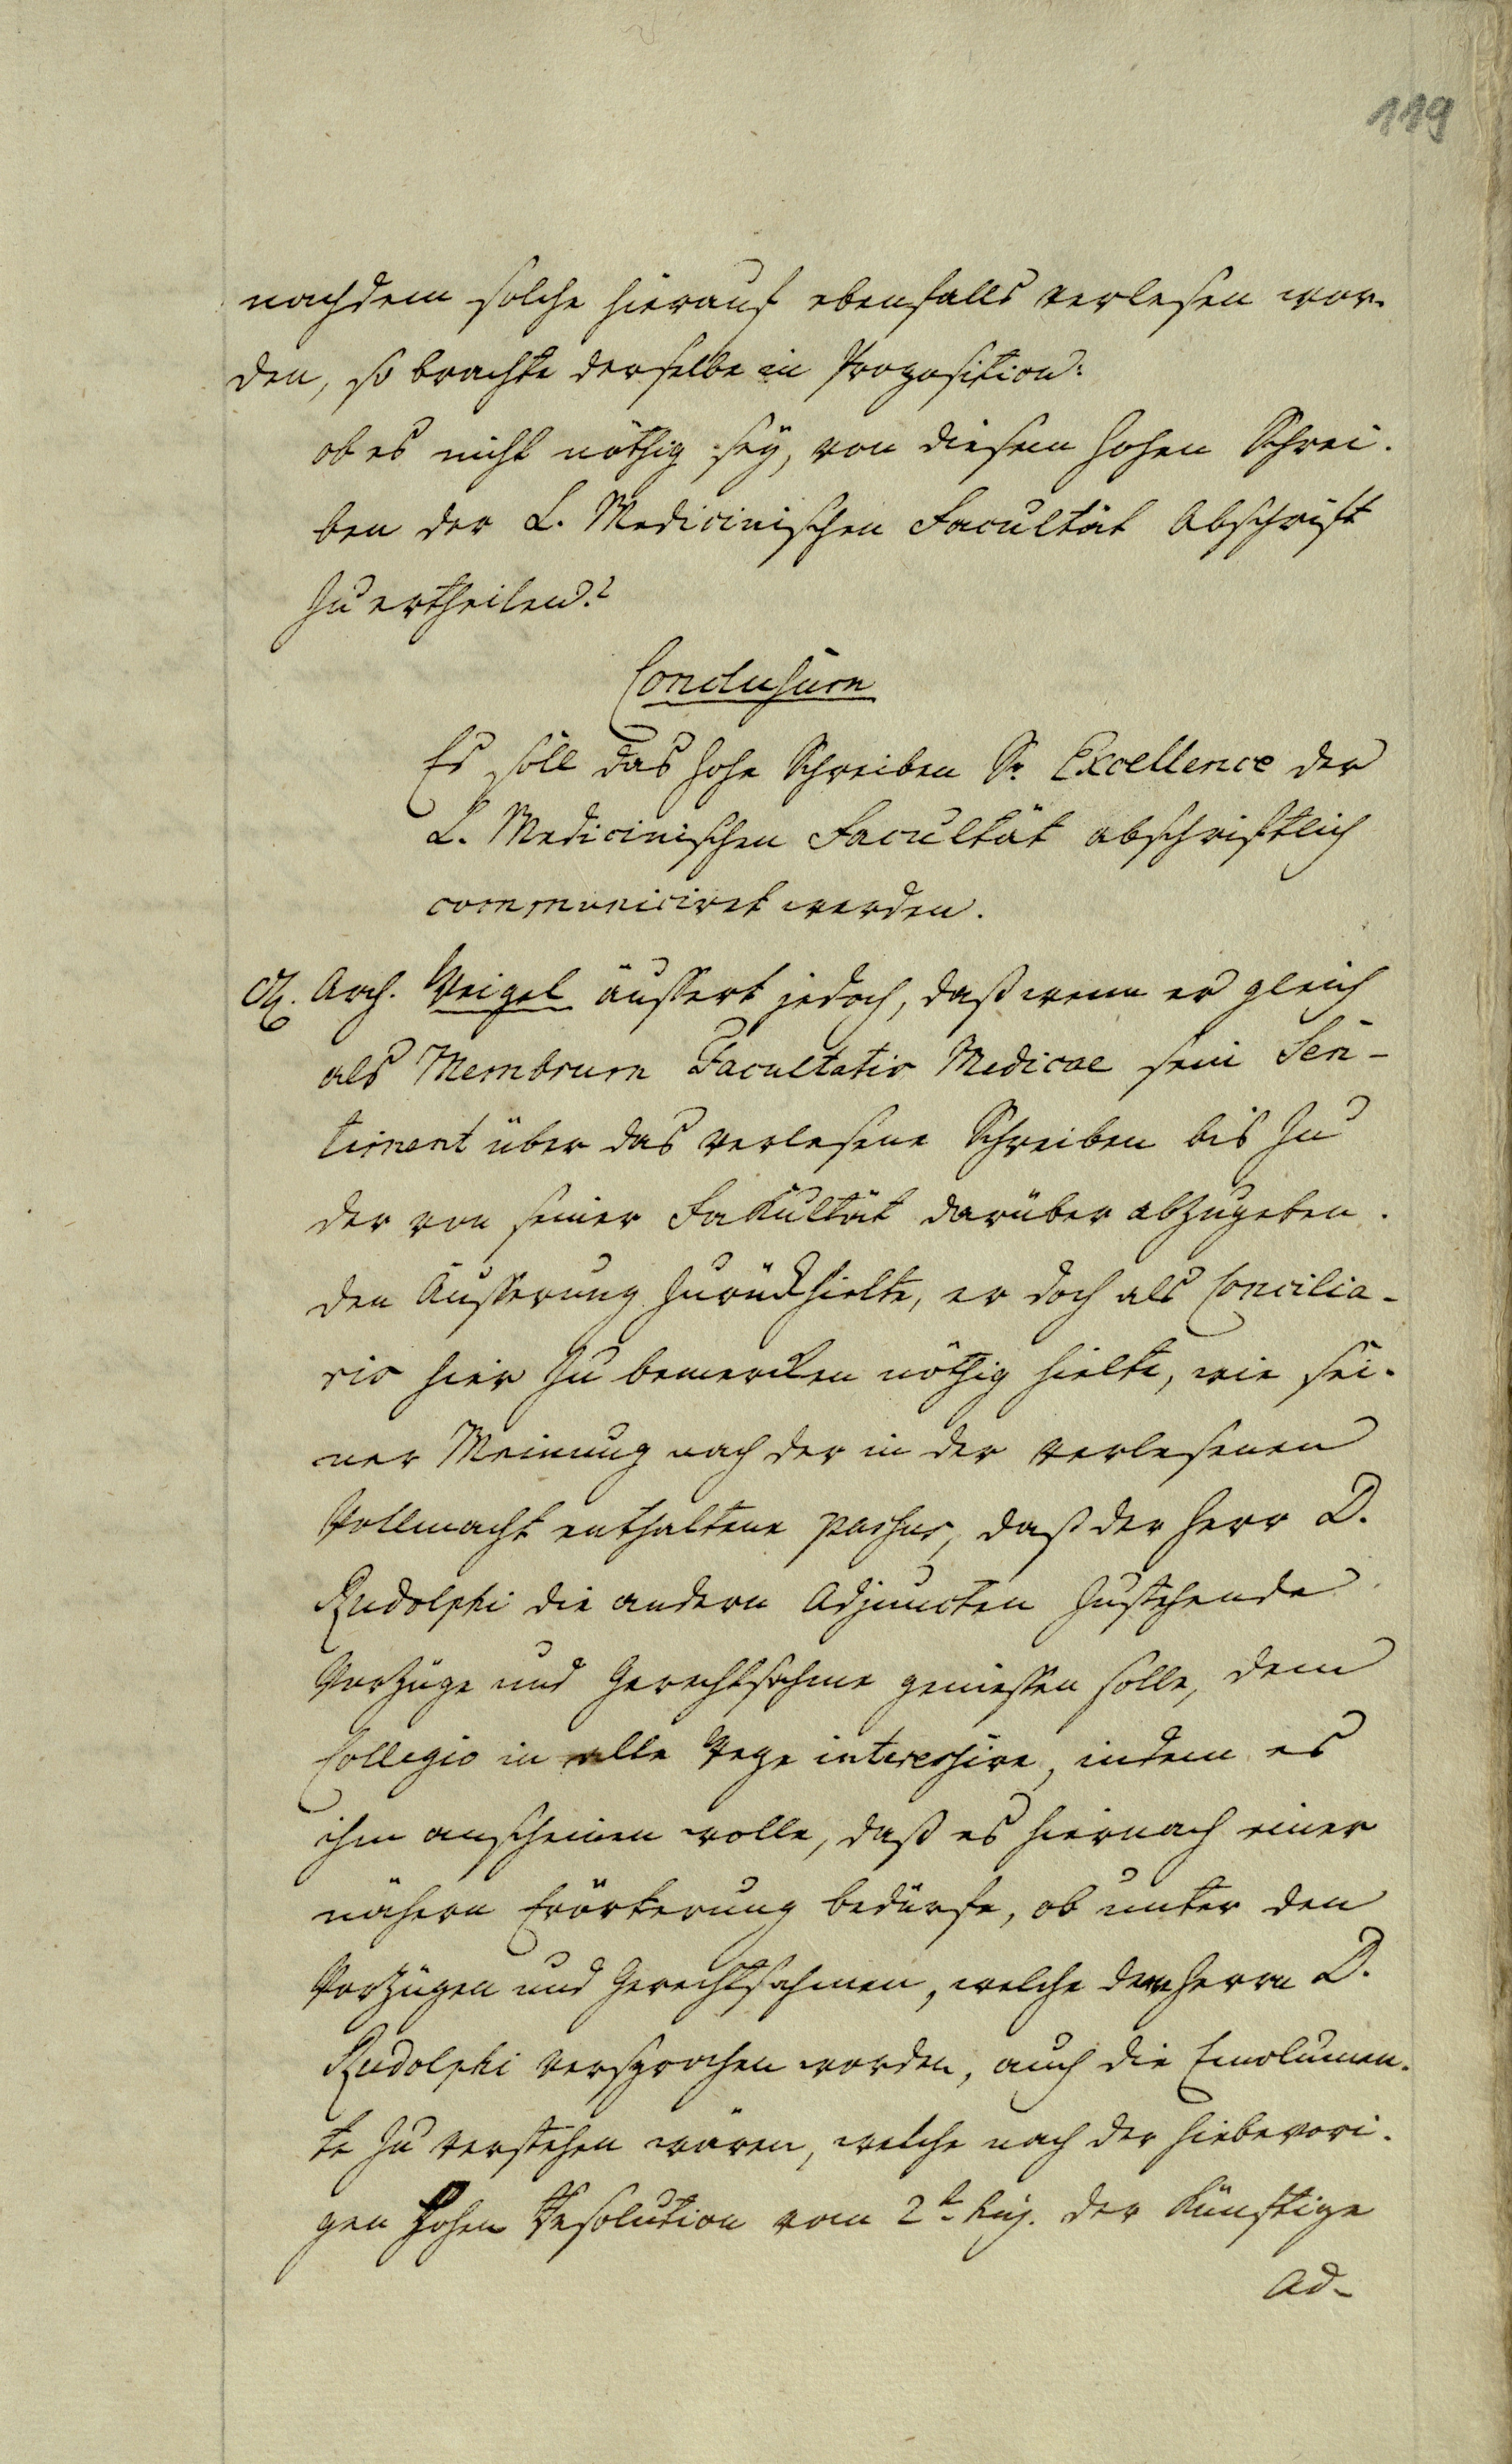nachdem solche hierauf ebenfalls verlesen wor¬
den, so brachte derselbe in Proposition:
ob es nicht nöthig seÿ, von diesem hohen Schrei¬
ben der L. Medicinischen Facultät Abschrift
zu ertheilen?
Conclusum
Es soll das hohe Schreiben Sr Excellence der
L. Medicinischen Facultät abschriftlich
communiciret werden.
dh. Arch. Weigel äussert jedoch, daß wenn er gleich
als Membrum Facultatis Medicae sein Sen¬
timent über das verlesene Schreiben bis zu
der von seiner Fakultät darüber abzugeben¬
den Äusserung zurückhielte, er doch als Concilia
ris hier zu bemercken nöthig hielte, wie sei¬
ner Meinung nach der in der verlesenen
Vollmacht enthaltene passus, daß der Herr D.
Rudolphi die andern Adjuncten zustehende
Vorzüge und Gerechtsahme geniessen solle, dem
Collegio in alle Wege interessire, indem es
ihm anscheinen wolle, daß es hiernach einer
nähern Erörterung bedürfe, ob unter den
Vorzügen und Gerechtsahmen, welche dem Herrn D.
Rudolphi versprochen worden, auch die Emolumen¬
te zu verstehen wären, welche nach der hiebevori¬
gen Hohen Resolution vom 2 t. huj. der künftige
Ad